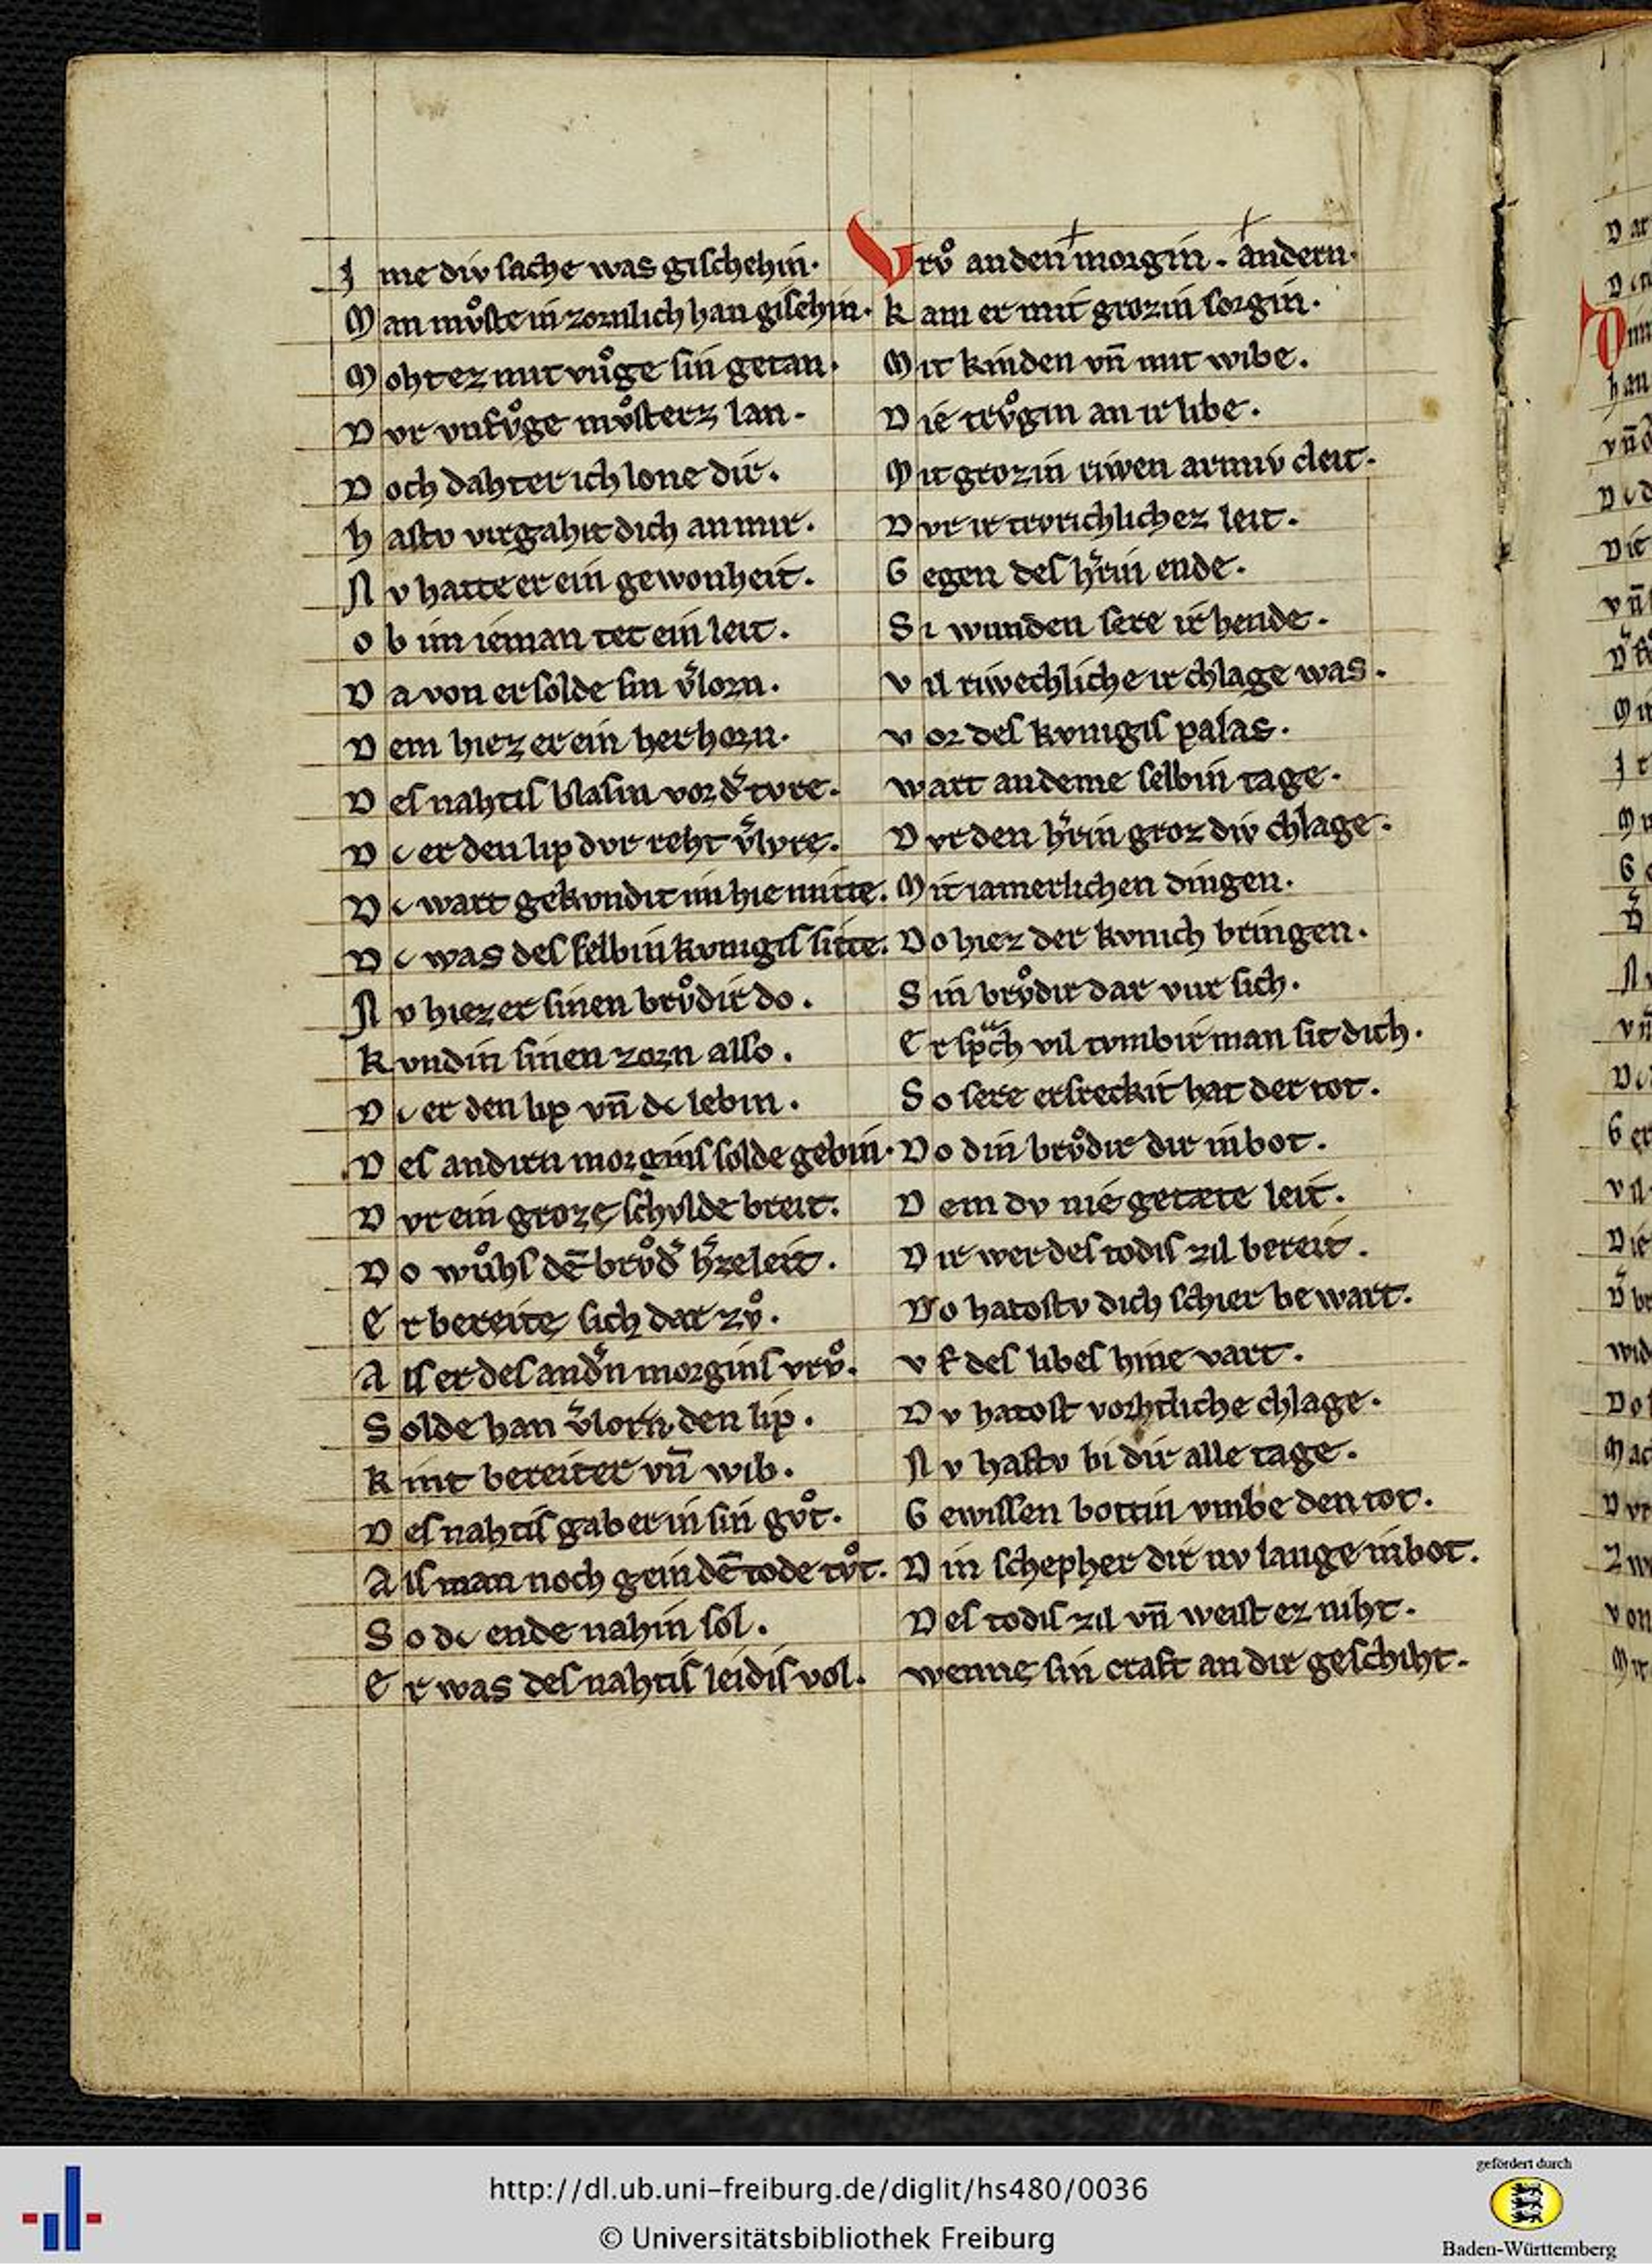Ime div ſache was giſchehin.
Man mv°oſte in zornlich han giſehin.
Mohtez mit vu°oge ſin getan.
Dvr vnfv°oge mv°oſterz lan.
Doch dahter ich lone dir.
Haſtv virgahit dich an mir.
Nv hatte er ein gewonheit.
Ob im ieman tet ein leit.
Da von er ſolde ſin v(er)lorn.
Dem hiez er ein herhorn.
Deſ nahtiſ blaſin vor d(er) tvre.
D(az) er den lip dvr reht v(er)lvre.
D(az) wart gekvndit im hie mitte.
D(az) was deſ ſelbin kvnigiſ ſitte.
Nv hiez er ſinen brv°odir do.
Kvndin ſinen zorn alſo.
D(az) er den lip vn(d) d(az) lebin.
Deſ andirn morginſ ſolde gebin.
Dvr ein groze ſchvlde breit.
Do wu°ohſ de(m) brv°od(er) h(er)zeleit.
Er bereite ſich dar zv°o.
Alſ er deſ and(er)n morginſ vrv°o.
Solde han v(er)lorn den lip.
Kint bereiter vn(d) wib.
Deſ nahtiſ gab er in ſin gv°ot.
Alſ man noch gein de(m) tode tv°ot.
So d(az) ende nahin ſol.
Er was deſ nahtiſ leidiſ vol.
Vrv°o an den °(+) morgin. °(+) andern.
Kam er mit grozin ſorgin.
Mit kinden vn(d) mit wibe.
Die trv°ogin an ir libe.
Mit grozin riwen armiv cleit.
Dvr ir trvrichlichez leit.
Gegen deſ h(er)rin ende.
Si wunden ſere ir hende.
Vil riwechliche ir chlage was.
Vor deſ kvnigiſ palas.
Wart an deme ſelbin tage.
Dvr den h(er)rin groz div chlage.
Mit iamerlichen dingen.
Do hiez der kvnich bringen.
Sin brv°odir dar vur ſich.
Er ſp(ra)ch vil tvmbir man ſit dich.
So ſere erſreckit hat der tot.
Do din brv°odir dir in bot.
Dem dv nie get[ae]te leit.
Dir werdeſ todiſ zil bereit.
Do hatoſtv dich ſchier be wart.
Vf deſ libeſ hine vart.
Dv hatoſt vorhtliche chlage.
Nv haſtv bi dir alle tage.
Gewiſſen bottin vmbe den tot.
Din ſchepher dir nv lange inbot.
Deſ todiſ zil vn(d) weiſt ez niht.
Wenne ſin craft an dir geſchiht.